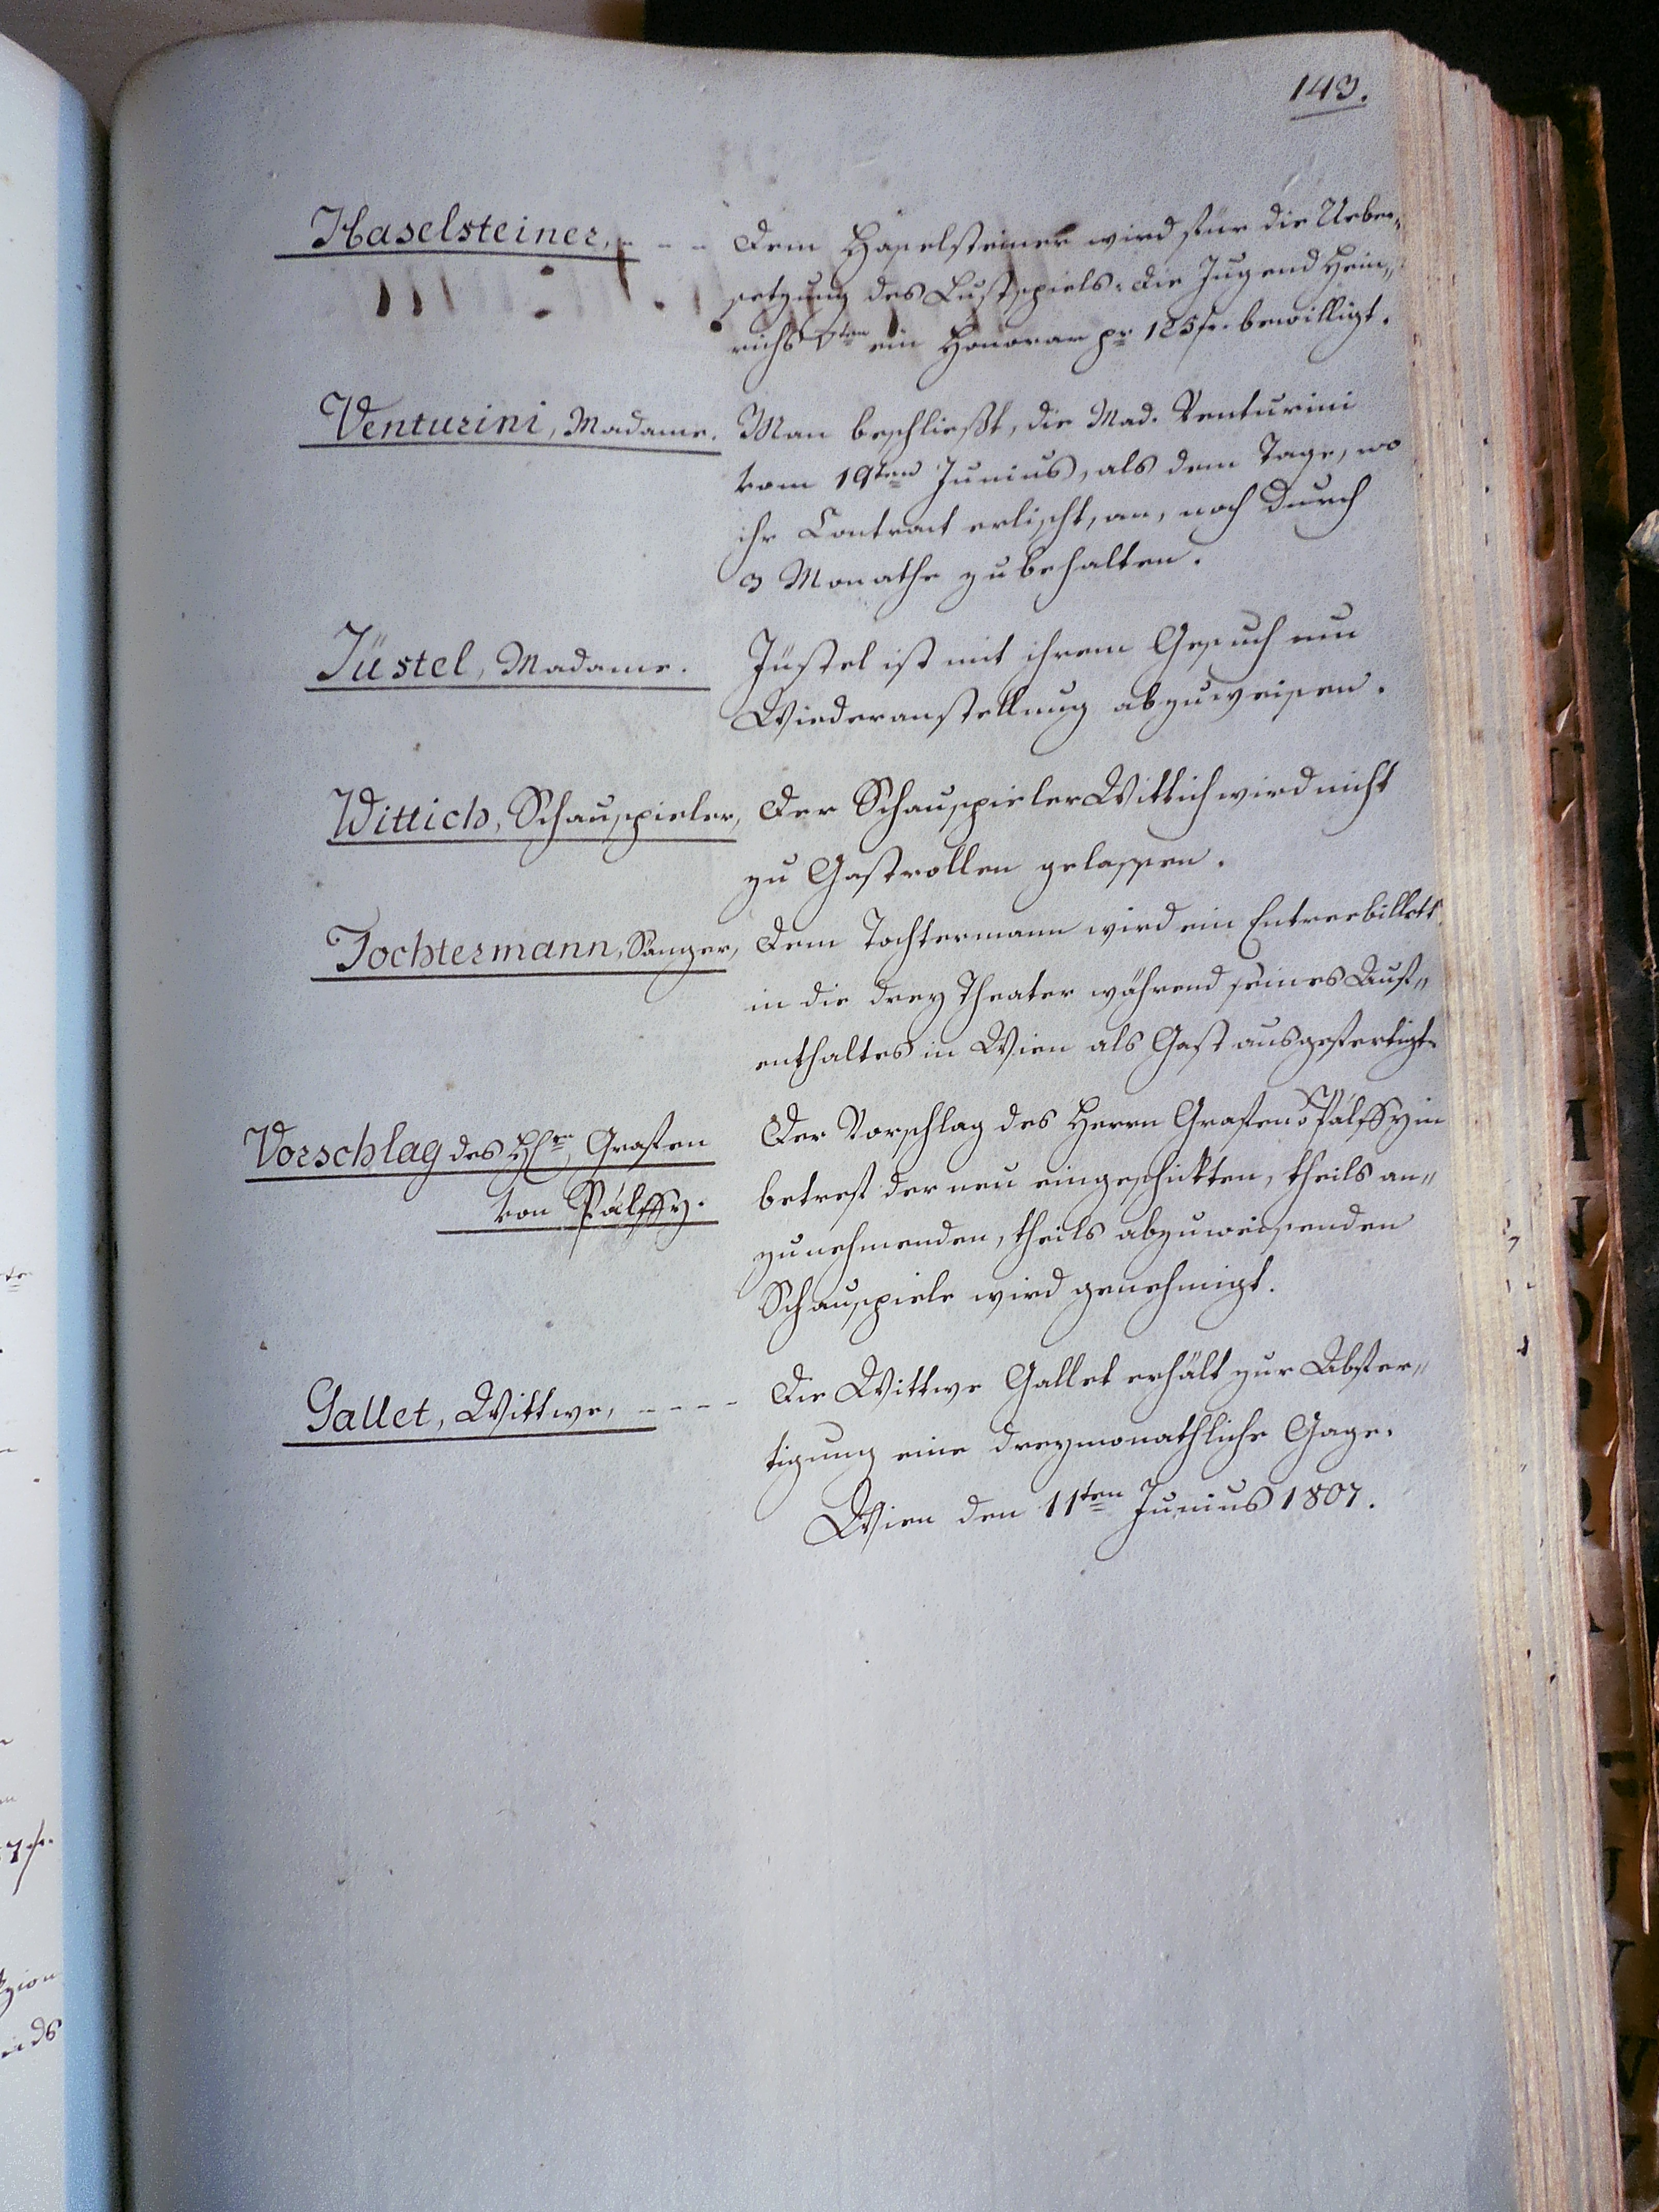143.
Haselsteiner. .. .. .. Dem Haselsteiner wird für die Ueber¬
setzung des Lustspiels: Die Jugend Hein¬,
ichs 1ste͇n ein Honorar pr͇ 125fr. bewilligt.
Venturini, Madame. Man beschließt, die Mad: Venturini
vom 19te͇n Junius, als dem Tage, wo
ihr Contract erlischt, an, noch durch
3 Monathe zu behalten.
Jüstel, Madame. Jüstel ist mit ihrem Gesuch um
Wiederanstellung abzuweisen.
Wittich, Schauspieler, Der Schauspieler Wittich wird nicht
zu Gastrollen gelassen.
Tochtermann, Sänger, Dem Tochtermann wird ein Entreebillett
in die drey Theater während seines Auf¬
enthaltes in Wien als Gast ausgefertigt.
Vorschlag des HEr͇n Grafen
von Pálffy.
Der Vorschlag des Herrn Grafen v Pálffy im
betref der neu eingeschickten, theils an¬
zunehmenden, theils abzuweisenden
Schauspiele wird genehmigt.
Gallet, Witwe, .. .. .. .. Die Wittwe Gallet erhält zur Abfer¬
tigung eine dreymonathliche Gage.
Wien den 11te͇n Junius 1807.